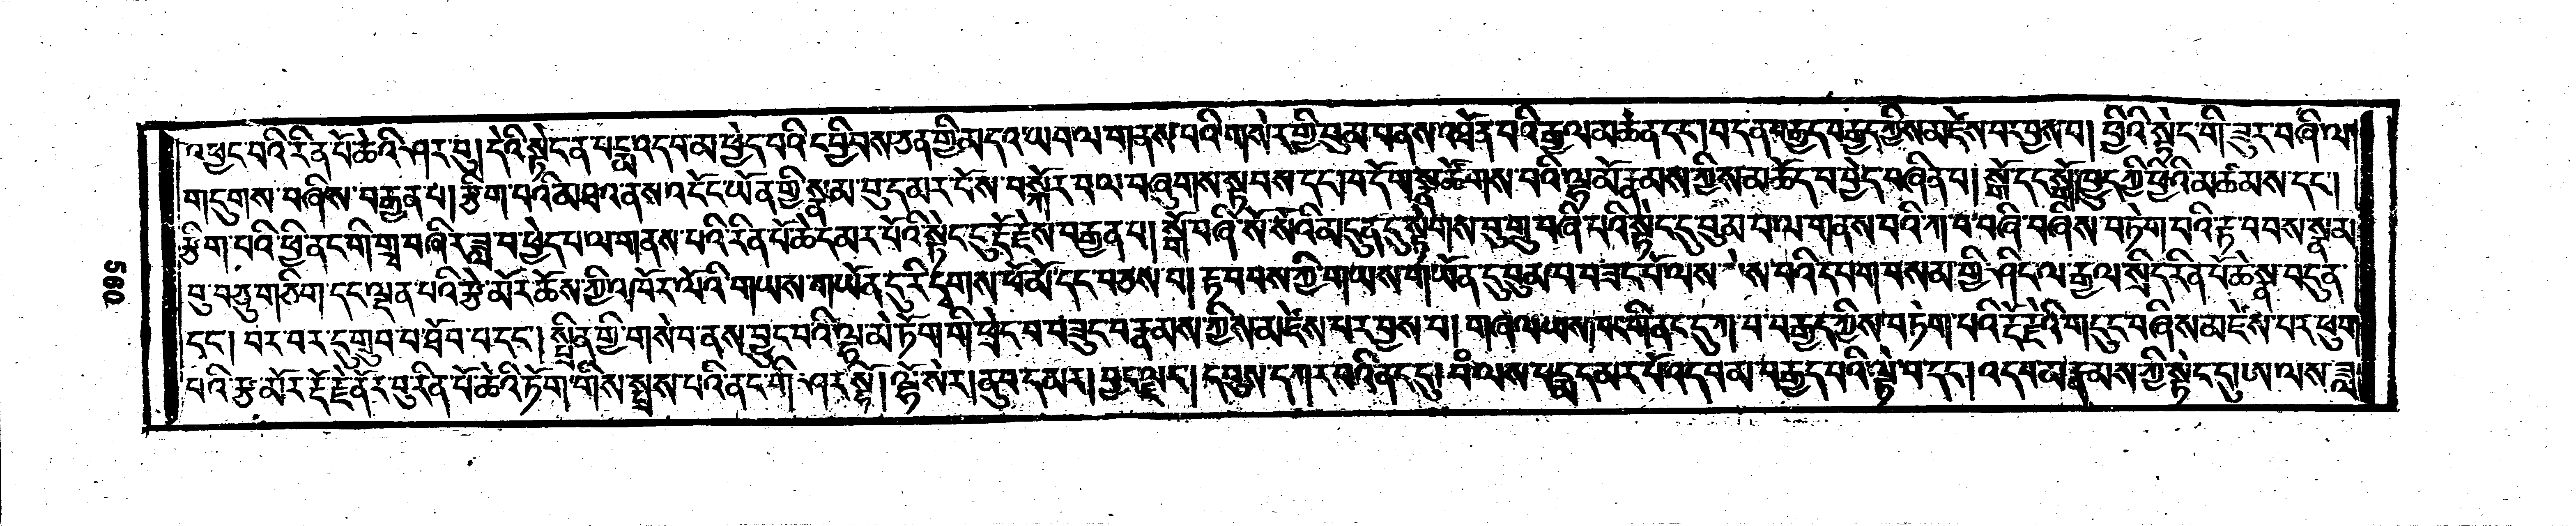འཕྱང་བའི་རིན་པོ་ཆེའི་ཤར་བུ། དེའི་སྟེང་ན་པདམ་འདབ་མ་ཕྱེད་པའི་དབྱིབས་ཅན་གྱི་མདའ་ཡབ་ལ་གནས་པའི་གསེར་གྱི་བུམ་པ་ནས་འཐོན་པའི་རྒྱལ་མཚན་དང་། བ་དན་བརྒྱད་བརྒྱད་ཀྱིས་མཛེས་པར་བྱས་པ། ཕྱིའི་སྟེང་གི་ཟུར་བཞི་ལ་
གདུགས་བཞིས་བརྒྱན་པ། རྩིག་པའི་མཐའ་ནས་འདོད་ཡོན་གྱི་སྣམ་བུ་དམར་པོས་བསྐོར་བལ་བཞུགས་སྟབས་དང་ཁ་དོག་སྣ་ཚོགས་པའི་ལྷ་མོ་རྣམས་ཀྱིས་མཆོད་པ་བྱེད་བཞིན་པ། སྒོ་དང་སྒོ་ཁྱུད་ཀྱི་ཕྱིའི་མཚམས་དང་།
རྩིག་པའི་ཕྱི་ནང་གི་གྲ་བཞིར་ཟླ་བ་ཕྱེད་པ་ལ་གནས་པའི་རིན་པོ་ཆེ་དམར་པོའི་སྟེང་དུ་རྡོ་རྗེས་བརྒྱན་པ། སྒོ་བཞི་སོ་སོའི་མདུན་དུ་སྟེགས་བུ་གྲུ་བཞི་པའི་སྟེང་དུ་བུམ་པ་ལ་གནས་པའི་ཀ་བ་བཞི་བཞིས་བཏེག་པའི་རྟ་བབས་སྣམ་
བུ་བཅུ་གཅིག་དང་ལྡན་པའི་རྩེ་མོར་ཆོས་ཀྱི་འཁོར་ལོའི་གཡས་གཡོན་དུ་རི་དགས་ཕོ་མོ་དང་བཅས་པ། རྟ་བབས་ཀྱི་གཡོས་གཡོན་དུ་བུམ་པ་བཟང་པོ་ལས་སྐྱེས་པའི་དཔག་བསམ་གྱི་ཤིང་ལ་རྒྱལ་སྲིད་རིན་པོ་ཆེ་སྣ་བདུན་
དང་། བར་བར་དུ་གྲུབ་པ་ཐོབ་པ་དང་། སྤྲིན་གྱི་གསེ་བ་ནས་བྱུང་བའི་ལྷ་མེ་ཏོག་གི་ཕྲེང་བ་བཟུང་བ་རྣམས་ཀྱིས་མཛེས་པར་བྱས་པ། གཞལ་ཡས་ཁང་གི་ནང་དུ་ཀོ་བ་བརྒྱད་ཀྱིས་བཏེག་པའི་རྡོ་རྗེའི་གདུང་བཞིས་མཛེས་པར་ཕུབ་
པའི་རྩེ་མོར་རྡོ་རྗེ་ནོར་བུ་རིན་པོ་ཆེའི་ཏོག་གིས་སྤྲས་པའི་ནང་གི་ཤར་སྔོ། ལྷོ་སེར། ནུབ་དམར། བྱང་ལྗང་། དབུས་དཀར་བའི་ནང་དུ། པཾ་ལས་པདམ་དམར་པོ་འདབ་མ་བརྒྱད་པའི་ལྟེ་བ་དང་། འདབ་མ་རྣམས་ཀྱི་སྟེང་དུ། ཨ་ལས་ཟླ་